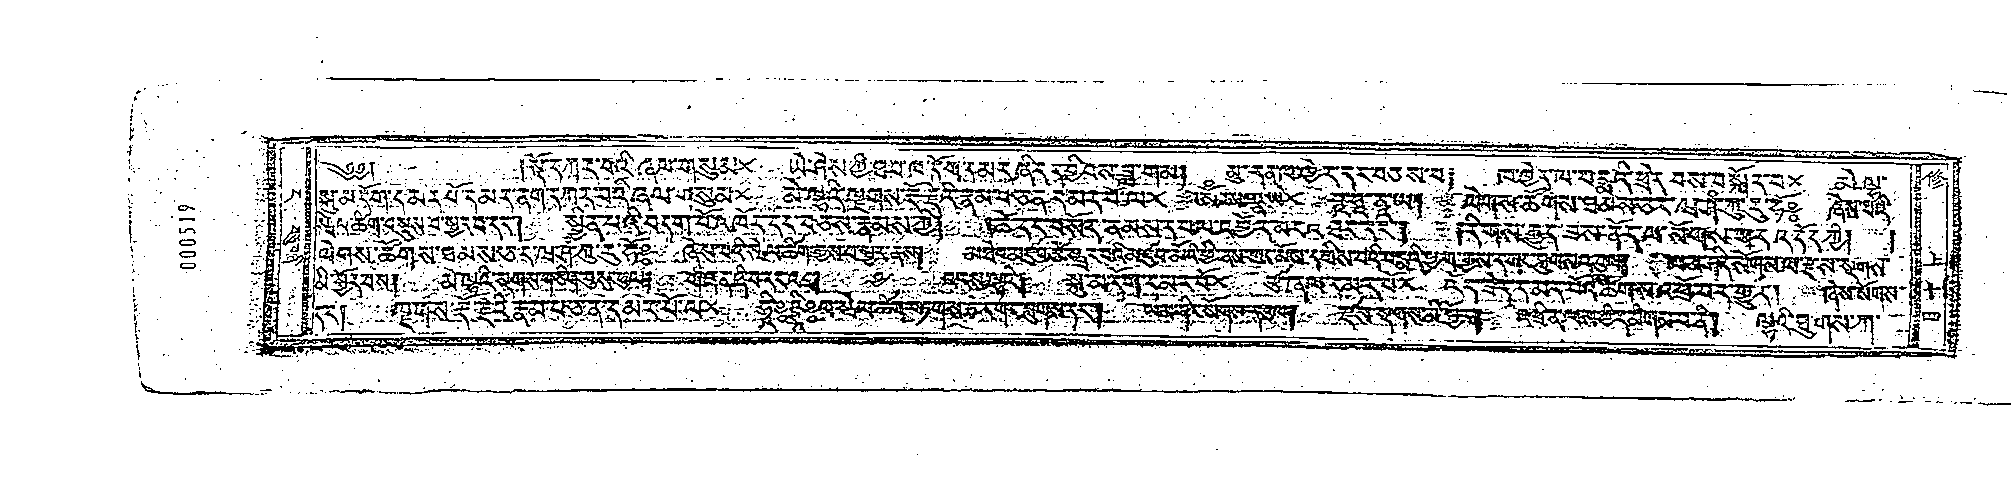༄༅། །སྡོ་དཀར་བའི་ཞལ་གསུམ་྾་ཡེ་ཤེས་ཀྱི་ཐབ་ཁ་དོག་དམར་ཞིང་དབྱིབས་ཟླ་གམ། མུ་རན་ཁ་ཁྱེར་དང་བཅས་པ། ཁ་ཁྱེར་ལ་པདམའི་ཕྲེང་བས་བསྐོར་བ་྾་མེ་ལྷ་
སྐུ་མདོག་དམར་པོ་དམར་ནག་དཀར་བའི་ཞལ་གསུམ་྾་མེ་ལྷའི་ལྗགས་རྡོ་རྗེའི་རྣམ་པ་ཅན་དམར་པོ་ལ་྾་ཨོཾ་ཨགན་ཡེ་྾་བཱ་ཧཱ་ནཱ་ཡ། ལེགས་ཚོགས་ཐམས་ཅད་ཝ་ཤཾ་ཀུ་རུ་ཧོཿ་ཞེས་པའི་
སྤེལ་ཚིག་བསྡུས་བ་སྦྱང་བ་དང་། སྦྱིན་པའི་བདག་པོ་འཁོར་དང་བཅས་རྣམས་ཀྱི། །ཚེ་དང་བསོད་ནམས་དཔལ་འབྱོར་མངའ་ཐང་དར། །རིགས་རྒྱུད་ཟས་ནོར་ལ་སོགས་གང་འདོད་ཀྱི། །
ལེགས་ཚོགས་ཐམས་ཅད་ཝ་ཤི་ཀུ་རུ་ཧོཿ་ཞེས་པའི་སེལ་ཚིག་རྒྱས་པ་སྦྱར་ནས། མཐེབ་མཛུབ་རྩེ་སྤྲང་བའི་མཛུབ་མོའི་ཕྱི་ནས་གུང་མོས་དཀྲིས་བའི་པདམའི་ཕྱག་རྒྱས་དགང་བླུགས་འབུལ། ཡམ་ཤིང་སོགས་ལ་རྫས་སྔགས་
མི་སྦྱོར་བས། མེ་ལྷའི་སྔགས་གཅིག་བུས་ཕུལ། གཞན་ཞིབ་དང་འདྲ། ༧་འདས་ལྷའི། སྐུ་མདོག་དམར་པོ་྾་རྩ་ཞལ་དམར་པོ་྾་འོད་ཟེར་དམར་པོའི་ཚོགས་འཕྲོ་བར་གྱུར། ཞེས་སོགས་
དང་། ལྗགས་རྡོ་རྗེའི་རྣམ་པ་ཅན་དམར་པོ་ལ་྾་ཧྲཱིཿ་ཥྚྲཱིཿ་ལ་སྤེལ་ཚིག་བཏགས་ཏེ་དགང་བླུགས་དང་། ཡམ་ཤིང་སོགས་དབུལ། རྫས་སྔགས་མི་སྦྱོར། འཕྲིན་ལས་ཀྱི་དམིགས་པ་ནི། ལྷའི་ཐུགས་ཀ་